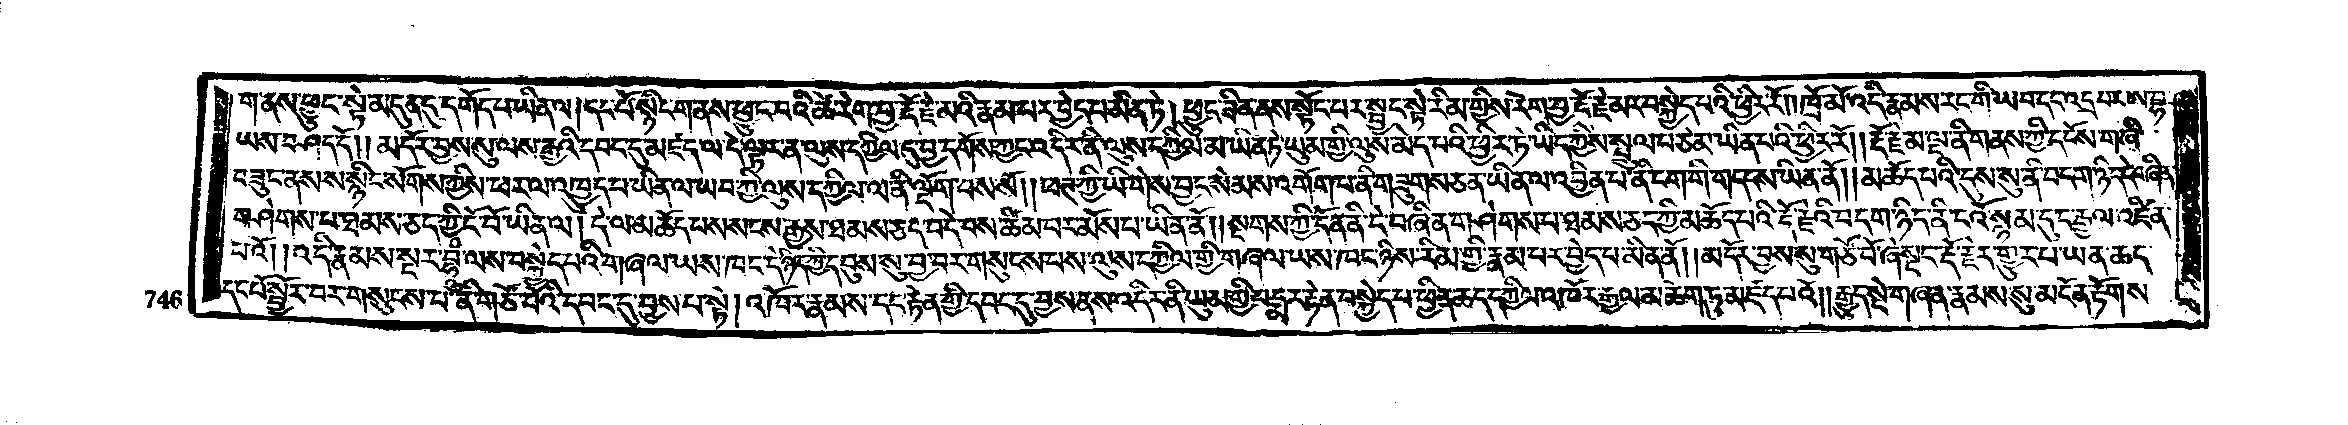ག་ནས་ཕྱུང་སྟེ་མདུན་དུ་དགོད་པ་ཡིན་ལ། དང་པོ་སྙིང་ག་ནས་ཕྱུང་བའི་ཚེ་རེག་བྱ་རྡོ་རྗེ་མའི་རྣམ་པར་བྱེད་པ་མིན་ཏེ། ཕྱུང་ཟིན་ནས་སྟོང་པར་སྦྱང་སྟེ་རིམ་གྱིས་རེག་བྱ་རྡོ་རྗེ་མར་བསྐྱེད་པའི་ཕྱིར་རོ། །ཁྲོ་མོ་འདི་རྣམས་རང་གི་ཡབ་དང་འདྲ་བར་ཨ་བྷ་
ཡས་བཤད་དོ། །མདོར་བྱས་སུ་ལས་རྒྱའི་དབང་དུ་མཛད་ལ་དེ་ལྟར་ན་ལུས་དཀྱིལ་དུ་བྱ་དགོས་ཀྱང་འདིར་ནི་ལུས་དཀྱིལ་མ་ཡིན་ཏེ་ཡུམ་གྱི་ལུས་མེད་པའི་ཕྱིར་ཏེ་ཡིད་ཀྱིས་སྤྲུལ་པ་ཙམ་ཡིན་པའི་ཕྱིར་རོ། །རྡོ་རྗེ་མ་ལྔ་ནི་གནས་ཀྱི་དངོས་གཞི་
བཟུང་ནས་ས་སྙིང་སོགས་ཀྱིས་ཕར་ལ་འཁྱུད་པ་ཡིན་ལ་ཡབ་ཀྱི་ལུས་དཀྱིལ་ལ་ནི་ལྡོག་པས་སོ། །ཕཊ་ཀྱི་ཡི་གེས་བྱང་སེམས་འགོག་པ་ནི་གཟུགས་ཅན་ཡིན་ལ་འབྱིན་པ་ནི་ངག་གི་གདངས་ཡིན་ནོ། །མཆོད་པའི་དུས་སུ་ནི་བདག་ཉིད་དེ་བཞིན་
གཤེགས་པ་ཐམས་ཅད་ཀྱི་ངོ་བོ་ཡིན་ལ། དེ་ལ་མཆོད་པས་སངས་རྒྱས་ཐམས་ཅད་བདེ་བས་ཚིམ་པར་མོས་པ་ཡིན་ནོ། །སྔགས་ཀྱི་དོན་ནི་དེ་བཞིན་གཤེགས་པ་ཐམས་ཅད་ཀྱི་མཆོད་པའི་རྡོ་རྗེའི་བདག་ཉིད་ནི་ངའོ་སྙམ་དུ་ང་རྒྱལ་འཛིན་
པའོ། །འདི་རྣམས་སྔར་བྷཱུཾ་ལས་བསྐྱེད་པའི་གཞལ་ཡས་ཁང་དེ་ཉིད་ཀྱི་དབུས་སུ་བྱ་བར་གསུངས་པས་ལུས་དཀྱིལ་གྱི་གཞལ་ཡས་ཁང་ཉིས་རིམ་གྱི་རྣམ་པར་བྱེད་པ་མིན་ནོ། །མདོར་བྱས་སུ་གཙོ་བོ་ཞེ་སྡང་རྡོ་རྗེར་གྱུར་པ་ཡན་ཆད་
དང་པོ་སྦྱོར་བར་གསུངས་པ་ནི་གཙོ་བོའི་དབང་དུ་བྱས་པ་སྟེ། འཁོར་རྣམས་དང་རྟེན་གྱི་དབང་དུ་བྱས་ནས་འདིར་ནི་ཡུམ་གྱི་པདམར་རྟེན་བསྐྱེད་པ་ཕྱིན་ཆད་དཀྱིལ་འཁོར་རྒྱལ་མཆོག་ཏུ་མཛད་པའོ། །རྒྱུད་སྡེ་གཞན་རྣམས་སུ་མངོན་རྟོགས་